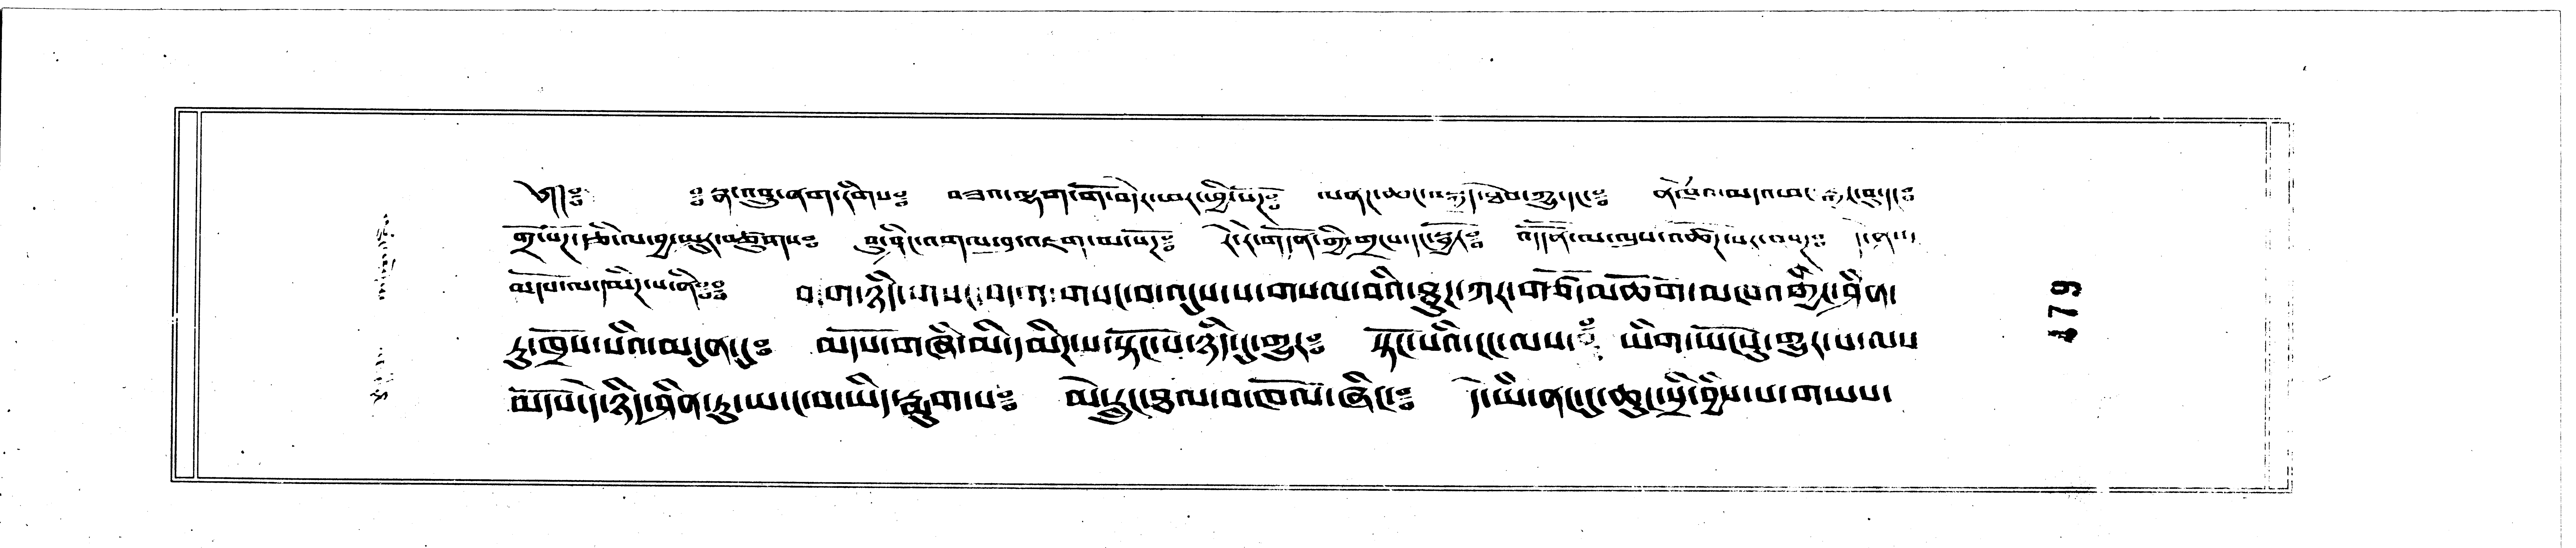༔སྣ་འབྲུ་ནག་རིགས༔བཟའ་ལྷག་གོ་བདེར་ཕར་ཕྱི་སོགས༔ལན་ཆགས་ཆང་བསྐྲད་ཐེབ་ཀྱུ་དང་༔ནམ་མཁའ་མདའ་འཕང་རྒྱང་བུ་དང་༔
གྲོ་སོགས་རྩི་ལ་བྱ་སྤུ་བཙུགས༔བུ་ཤིང་འགལ་བུ་འཇག་མ་སོགས༔རེ་རེ་གདོན་གྱི་གྲངས་དང་སྦྱོར༔འདོད་ཡོན་མ་ལུས་འཚོགས་པར་བསགས༔དེ་ནས་
མདོས་ལ་དམིགས་པ་ནི༔༔བདག་ཉིད་གསང་བདག་གསང་བ་འདུས་པ་གསལ་བའི་ཐུགས་ཀར་གཙོ་མཆོག་མཁའ་འགྱིང་ཤིན་
ཏུ་ཁྲོས་པའི་མདུན་དུ༔མདོས་གཞི་མི་དམིགས་སྟོང་པ་ཉིད་དུ་གྱུར༔སྟོང་པའི་ངང་ལས་བྷྲུཾ་ཡིག་ཡོངས་སུ་གྱུར་པ་ལས་
མདོས་དེ་ཉིད་ཤིན་ཏུ་ཡ་ང་ཡིད་རྨུག་པ༔མེ་རླུང་ཐལ་བ་ཁོལ་ཞིང་༔དེ་ཡི་ནང་དུ་ཆུང་སྲི་བྱིས་པ་གཡས་